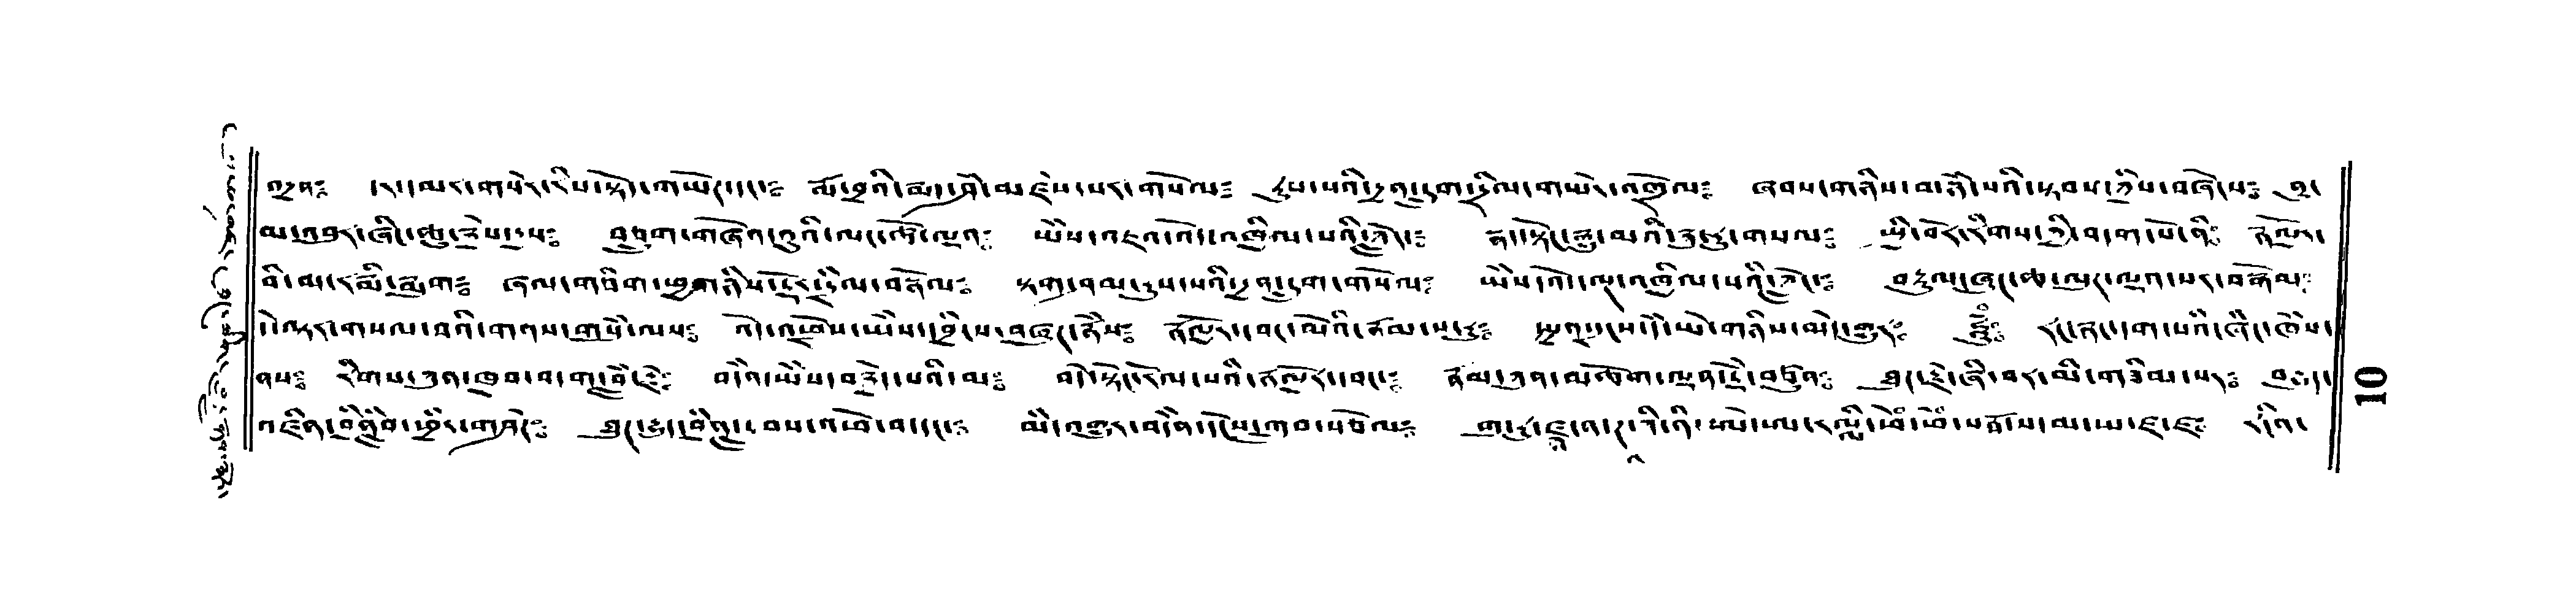བརྒྱན༔ དར་དམར་གསེར་རིས་སྟོད་གཡོགས་དང༔ རྨ་བྱའི་སྨད་ཤམ་མཛེས་པར་གསོལ༔ རུས་པའི་རྒྱན་དྲུག་དྲིལ་གཡེར་འཁྲོལ༔ ཞབས་གཉིས་མཉམ་པའི་སྟབས་ཀྱིས་བཞེངས༔ ནུ་
མ་འབུར་ཞིང་ཆུ་སྐྱེས་རྒྱས༔ བཅུ་དྲུག་གཞོན་ནུའི་ལང་ཚོ་ལྡན༔ ཡེ་ཤེས་འཇའ་འོད་འཁྱིལ་པའི་ཀློང༔ སྣང་སྟོང་སྒྱུ་མའི་སྐུ་རུ་གསལ༔ སྤྱི་བོར་རིགས་ཀྱི་བདག་པོ་ནི༔ རྣལ་འབྱོར་
བི་མ་རསྨི་སྨུག༔ ཞལ་གཅིག་ཕྱག་གཉིས་རྡོར་དྲིལ་བསྣོལ༔ སྟག་ཤམ་རུས་པའི་རྒྱན་དྲུག་གསོལ༔ ཡེ་ཤེས་འོད་ལྔ་འཁྱིལ་པའི་ཀློང༔ བརྟུལ་ཞུགས་ཆ་ལུགས་ལྡན་པར་བསྒོམ༔ 
དེ་ལྟར་གསལ་བའི་གནས་གསུམ་ལས༔འོད་འཕྲོས་ཡེ་ཤེས་དབྱིངས་བཞུགས་རྣམས༔ རྣལ་འབྱོར་དབང་མོའི་རྣམ་པ་རུ༔ སྤྱན་དྲངས་དམ་ཡེ་གཉིས་མེད་གྱུར༔ ཧཱུྃ༔ རང་སྣང་དག་པའི་ཞིང་ཁམས་
ནས༔ རིགས་ཀུན་ཁྱབ་བདག་བླ་མ་རྗེ༔ བདེ་ཆེན་ཡེ་ཤེས་བསྐྱེད་པའི་མ༔ བདེ་སྟོང་རོལ་པའི་རྣལ་འབྱོར་དབང༔ རྣམ་ཀུན་མཆོག་ལྡན་རྡོ་རྗེ་བཙུན༔ ཐུགས་རྗེ་ཞི་བར་མི་གཟིམ་པར༔ བརྒྱུད་
འཛིན་བྱིན་གྱིས་རློབ་ཕྱིར་གཤེགས༔ ཐུགས་རྒྱུད་བྱིན་རླབས་འཕོ་བ་དང༔ མི་འགྱུར་བདེ་ཆེན་དངོས་གྲུབ་སྩོལ༔ གུ་རུ་ཛྙཱ་ན་ཌཱ་ཀི་ནི་ཨེ་ཨ་རལླི་ཕེཾ་ཕེཾ་སརྦ་ས་མ་ཡ་ཛ་ཛཿ རང་བཞིན་